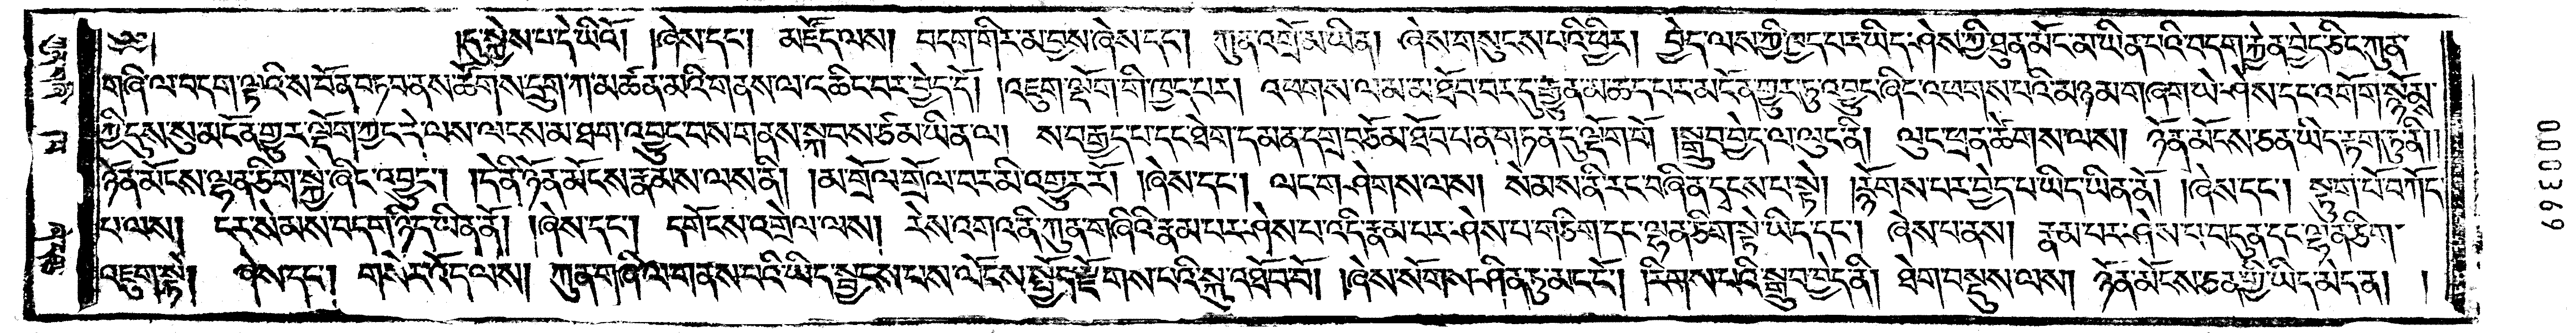༄༅། །དུ་སྐྱེས་པ་དེ་ཡིའོ། །ཞེས་དང་། མཛོད་ལས། བདག་གིར་མ་བྱས་ཞེས་དང་། ཀུན་འགྲོ་མ་ཡིན། ཞེས་གསུངས་པའི་ཕྱིར། བྱེད་ལས་ཀྱི་ཁྱད་པར་ཡིད་ཤེས་ཀྱི་ཐུན་མོང་མ་ཡིན་པའི་བདག་རྐྱེན་བྱེད་ཅིང་ཀུན་
གཞི་ལ་བདག་ལྟའི་ས་བོན་བཏབ་ནས་ཚོགས་དྲུག་ཀ་མཚན་མའི་གནས་ལ་འཆིང་བར་བྱེད་དོ། །འཇུག་ལྡོག་གི་ཁྱད་པར། འཕགས་ལམ་མཐོབ་བར་དུ་རྒྱུན་མ་ཆད་པར་མངོན་གྱུར་ཏུ་འབྱུང་ཞིང་འཕགས་པའི་མཉམ་གཞག་ཡེ་ཤེས་དང་འགོག་སྙོམས་
ཀྱི་དུས་སུ་མངོན་གྱུར་ལྡོག་ཀྱང་དེ་ལས་ལངས་མ་ཐག་འབྱུང་བས་གནས་སྐབས་ཙམ་ཡིན་ལ། ས་བརྒྱད་པ་དང་ཐེག་དམན་དགྲ་བཅོམ་ཐོབ་པ་ན་གཏན་དུ་ལྡོག་གོ། །སྒྲུབ་བྱེད་ལ་ལུང་ནི། ལུང་ཕྲན་ཚེགས་ལས། ཉོན་མོངས་ཅན་ཡིད་རྟག་ཏུ་ནི། །
ཉོན་མོངས་ལྷན་ཅིག་སྐྱེ་ཞིང་འབྱུང་། །དེ་ནི་ཉོན་མོངས་རྣམས་ལས་ནི། །མ་གྲོལ་གྲོལ་བར་མི་འགྱུར་རོ། །ཞེས་དང་། ལང་གཤེགས་ལས། སེམས་ནི་རང་བཞིན་དྭངས་པ་སྟེ། །རྙོགས་པར་བྱེད་པ་ཡིད་ཡིན་ནོ། །ཞེས་དང་། །སྟུག་པོ་བཀོད་
པ་ལས། ངར་སེམས་བདག་ཉིད་ཡིན་ནོ། །ཞེས་དང་། དགོངས་འགྲེལ་ལས། རེས་འགའ་ནི་ཀུན་གཞིའི་རྣམ་པར་ཤེས་པ་འདི་རྣམ་པར་ཤེས་པ་གཅིག་དང་ལྷན་ཅིག་སྟེ་ཡིད་དང་། ཞེས་པ་ནས། རྣམ་པར་ཤེས་པ་བདུན་དང་ལྷན་ཅིག་
འཇུག་སྟེ། ཞེས་དང་། གསེར་འོད་ལས། ཀུན་གཞི་ལ་གནས་པའི་ཡིད་སྦྱངས་པས་ལོངས་སྤྱོད་རྫོགས་པའི་སྐུ་འཐོབ་བོ། །ཞེས་སོགས་ཤིན་ཏུ་མང་ངོ། །རིགས་པའི་སྒྲུབ་བྱེད་ནི། ཐེག་བསྡུས་ལས། ཉོན་མོངས་ཅན་གྱི་ཡིད་མེད་ན། །